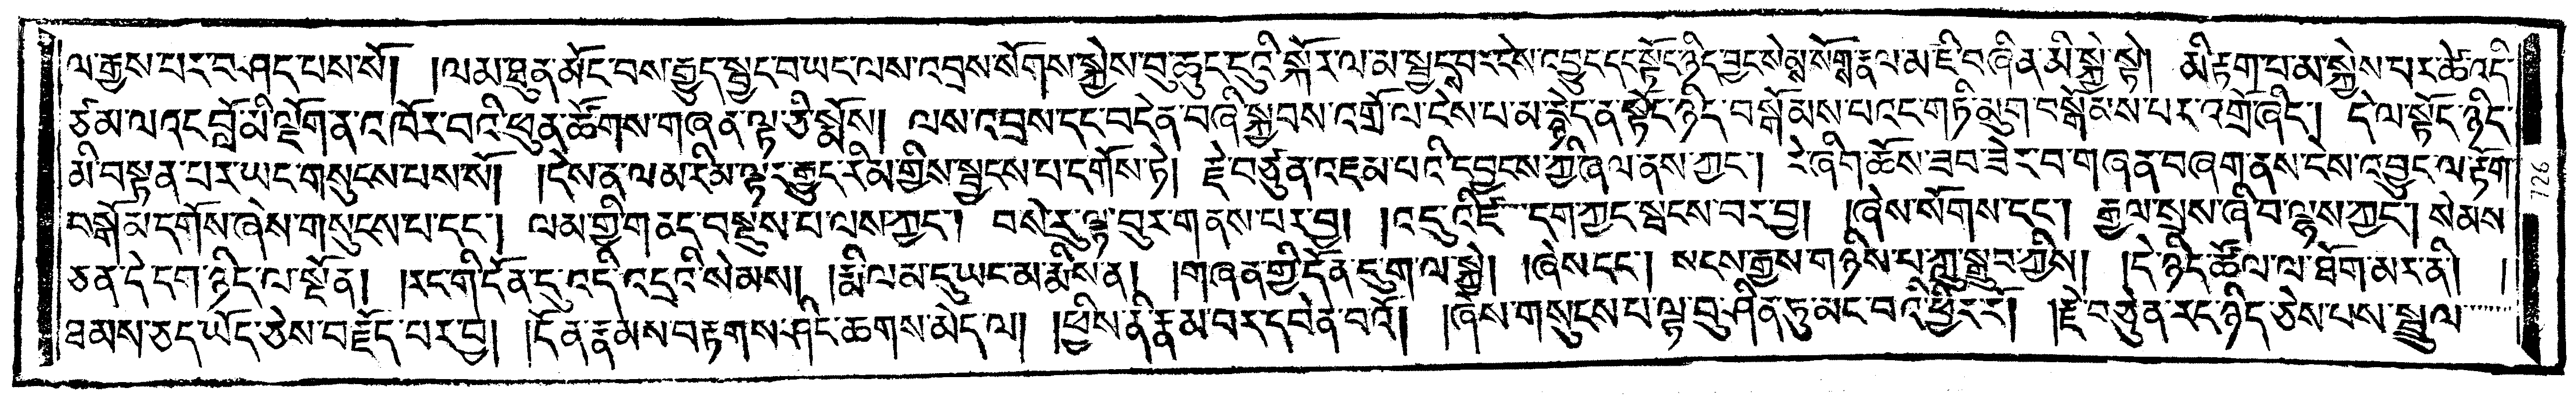ལ་རྒྱས་པར་བཤད་པས་སོ། །ལམ་ཐུན་མོང་བས་རྒྱུད་སྦྱང་བ་ཡང་ལས་འབྲས་སོགས་སྐྱེས་བུ་ཆུང་ངུའི་སྐོར་ལ་མ་སྦྱངས་བར་ངེས་འབྱུང་དང་སྟོང་ཉིད་བྱང་སེམས་སོགས་རྣལ་མ་ཇི་བཞིན་མི་སྐྱེ་སྟེ། མི་རྟག་པ་མ་སྐྱེས་པར་ཚེ་འདི་
ཙམ་ལའང་བློ་མི་ལྡོག་ན་འཁོར་བའི་ཕུན་ཚོགས་གཞན་ལྟ་ཅི་སྨོས། ལས་འབྲས་དང་བདེན་བཞི་སྐྱབས་འགྲོ་ལ་ངེས་པ་མ་རྙེད་ན་སྟོང་ཉིད་བསྒོམས་པའང་གཏི་མུག་བསྒོམས་པར་འགྲོ་ཞིང་། དེ་ལ་སྟོང་ཉིད་
མི་བསྟན་པར་ཡང་གསུངས་པས་སོ། །དེས་ན་ལམ་རིམ་ལྟར་རྒྱུད་རིམ་གྱིས་སྦྱངས་པ་དགོས་ཏེ། རྗེ་བཙུན་འཇམ་པའི་དབྱངས་ཀྱི་ཞལ་ནས་ཀྱང་། རེ་ཞིག་ཆོས་ཟབ་ཟེར་བ་གཞན་བཞག་ནས་ངེས་འབྱུང་ལ་རྟོག་
བསྒོམ་དགོས་ཞེས་གསུངས་པ་དང་། ལམ་གྱི་གནད་བསྡུས་པ་ལས་ཀྱང་། བསེ་རུ་ལྟ་བུར་གནས་པར་བྱ། །འདུ་འཛི་དག་ཀྱང་སྤངས་བར་བྱ། །ཞེས་སོགས་དང་། རྒྱལ་སྲས་ཞི་བ་ལྷས་ཀྱང་། སེམས་
ཅན་དེ་དག་ཉིད་ལ་སྔོན། །རང་གི་དོན་དུ་འདི་འདྲའི་སེམས། །རྨི་ལམ་དུ་ཡང་མ་རྨིས་ན། །གཞན་གྱི་དོན་དུ་ག་ལ་སྐྱེ། །ཞེས་དང་། སངས་རྒྱས་གཉིས་པ་ཀླུ་སྒྲུབ་ཀྱིས། །དེ་ཉིད་ཚོལ་ལ་ཐོག་མར་ནི། །
ཐམས་ཅད་ཡོད་ཅེས་བརྗོད་པར་བྱ། །དོན་རྣམས་བརྟགས་ཤིང་ཆགས་མེད་ལ། །ཕྱིས་ནི་རྣམ་པར་དབེན་པའོ། །ཞེས་གསུངས་པ་ལྟ་བུ་ཤིན་ཏུ་མང་བའི་ཕྱིར་རོ། །རྗེ་བཙུན་རང་ཉིད་ཅེས་པས་སྦྲུལ་